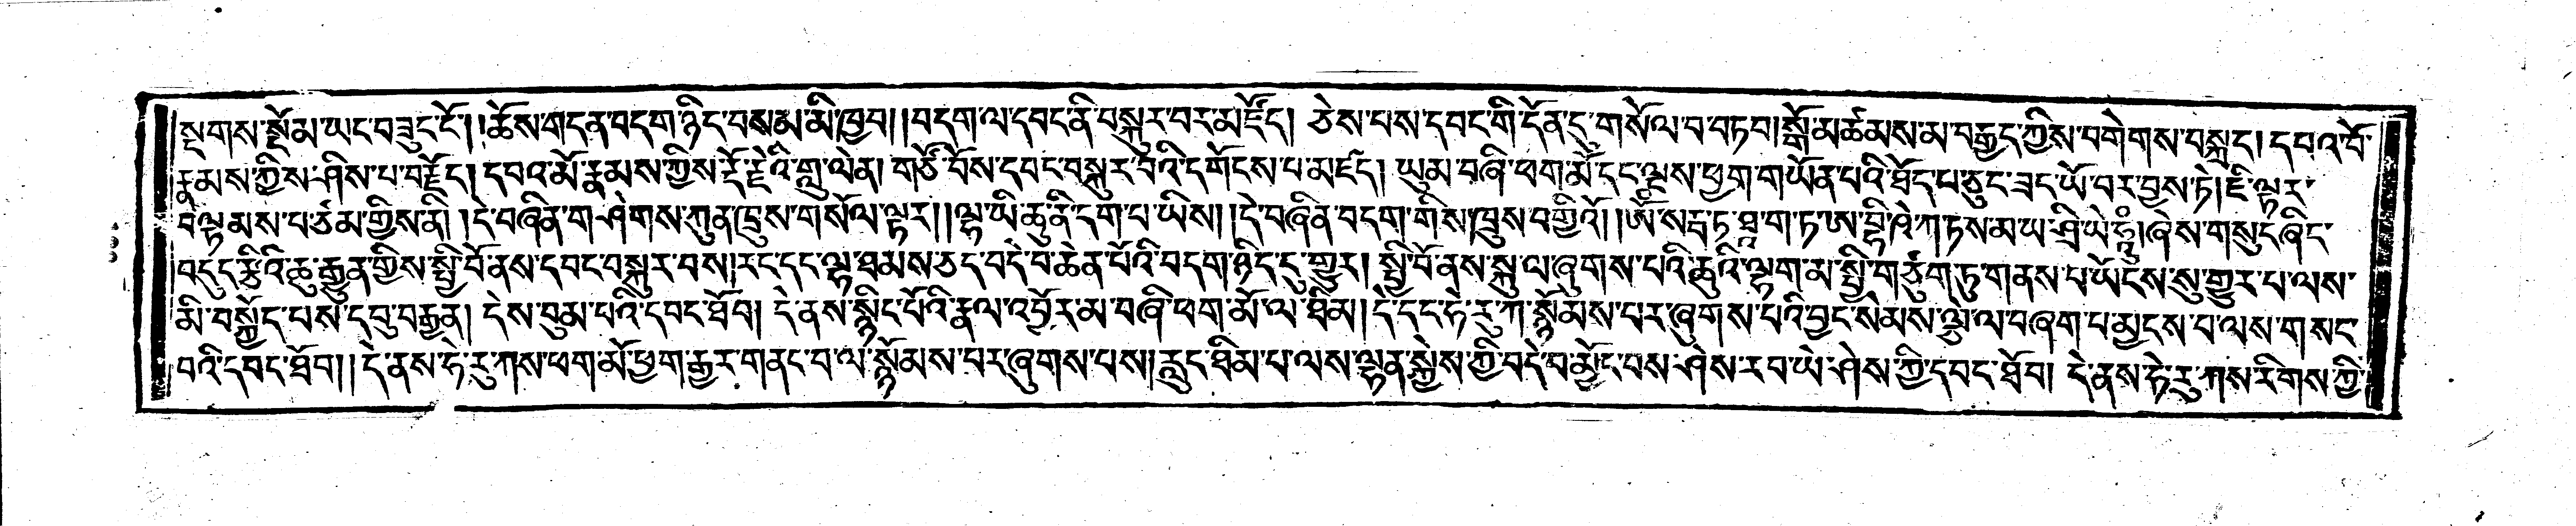སྔགས་སྡོམ་ཡང་བཟུང་ངོ། །ཆོས་གདན་བདག་ཉིད་བསམ་མི་ཁྱབ། །བདག་ལ་དབང་ནི་བསྐུར་བར་མཛོད། ཅེས་པས་དབང་གི་དོན་དུ་གསོལ་བ་བཏབ། སྒོ་མཚམས་མ་བརྒྱད་ཀྱིས་བགེགས་བསྐྲད། དཔའ་བོ་
རྣམས་ཀྱིས་ཤིས་པ་བརྗོད། དཔའ་མོ་རྣམས་ཀྱིས་རྡོ་རྗེའི་གླུ་ལེན། གཙོ་བོས་དབང་བསྐུར་བའི་དགོངས་པ་མཛད། ཡུམ་བཞི་ཕག་མོ་དང་ལྔས་ཕྱག་གཡོན་པའི་ཐོད་པ་ཅུང་ཟད་ཡོ་བར་བྱས་ཏེ། ཇི་ལྟར་
བལྟམས་པ་ཙམ་གྱིས་ནི། །དེ་བཞིན་གཤེགས་ཀུན་ཁྲུས་གསོལ་ལྟར། །ལྷ་ཡི་ཆུ་ནི་དག་པ་ཡིས། །དེ་བཞིན་བདག་གིས་ཁྲུས་བགྱིའོ། །ཨོཾ་སརྦ་ཏ་ཐཱ་ག་ཏ་ཨ་བྷི་ཥི་ཀ་ཏ་ས་མ་ཡ་ཤྲི་ཡེ་ཧཱུཾ། ཞེས་གསུང་ཞིང་
བདུད་རྩིའི་ཆུ་རྒྱུན་གྱིས་སྤྱི་བོ་ནས་དབང་བསྐུར་བས། རང་དང་ལྷ་ཐམས་ཅད་བདེ་བ་ཆེན་པོའི་བདག་ཉིད་དུ་གྱུར། སྤྱི་བོ་ནས་སྐུ་ལ་ཞུགས་པའི་ཆུའི་ལྷག་མ་སྤྱི་གཙུག་ཏུ་གནས་པ་ཡོངས་སུ་གྱུར་པ་ལས་
མི་བསྐྱོད་པས་དབུ་བརྒྱན། དེས་བུམ་པའི་དབང་ཐོབ། དེ་ནས་སྙིང་པོའི་རྣལ་འབྱོར་མ་བཞི་ཕག་མོ་ལ་ཐིམ། དེ་དང་ཧེ་རུ་ཀ་སྙོམས་པས་ཞུགས་པའི་བྱང་སེམས་ལྕེ་ལ་བཞག་པ་མྱངས་པ་ལས་གསང་
བའི་དབང་ཐོབ། །དེ་ནས་ཧེ་རུ་ཀས་ཕག་མོ་ཕྱག་རྒྱར་གནང་བ་ལ་སྙོམས་པར་ཞུགས་པས། རླུང་ཐིམ་པ་ལས་ལྷན་སྐྱེས་ཀྱི་བདེ་བ་མྱོང་བས་ཤེས་རབ་ཡེ་ཤེས་ཀྱི་དབང་ཐོབ། དེ་ནས་ཧེ་རུ་ཀས་རིགས་ཀྱི་